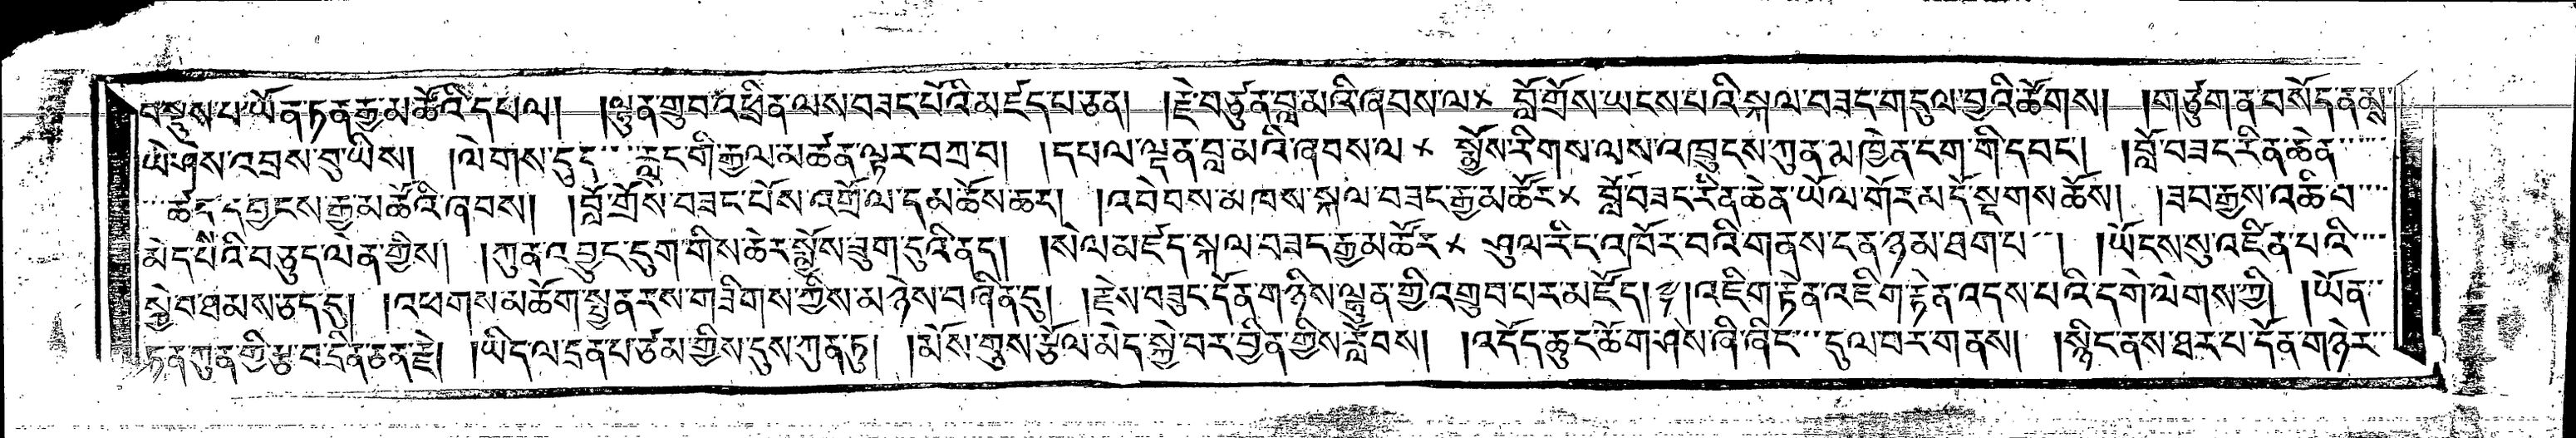བསྡུས་པ་ཡོན་ཏན་རྒྱ་མཚོའི་དཔལ། །ལྷུན་གྲུབ་འཕྲིན་ལས་བཟང་པོའི་མཛད་པ་ཅན། །རྗེ་བཙུན་བླ་མའི་ཞབས་ལ་{྾}་བློ་གྲོས་ཡངས་པའི་སྐལ་བཟང་གདུལ་བྱའི་ཚོགས། །གཙུག་ན་བསོད་ནམས་
ཡེ་ཤེས་འབྲས་བུ་ཡིས། །ལེགས་དུད་རླུང་གི་རྒྱལ་མཚན་ལྟར་བཀྲ་བ། །དཔལ་ལྡན་བླ་མའི་ཞབས་ལ་{྾}་སྨྱོས་རིགས་ལས་འཁྲུངས་ཀུན་མཁྱེན་ངག་གི་དབང་། །བློ་བཟང་རིན་ཆེན་
ཚངས་དབྱངས་རྒྱ་མཚོའི་ཞབས། །བློ་གྲོས་བཟང་པོས་འགྲོ་ལ་དམ་ཆོས་ཆར། །འབེབས་མཁས་སྐལ་བཟང་རྒྱ་མཚོར་{྾}་བློ་བཟང་རིན་ཆེན་ཡོལ་གོར་མདོ་སྔགས་ཆོས། །ཟབ་རྒྱས་འཆི་བ་
མེད་པའི་བཅུད་ལེན་གྱིས། །ཀུན་འབྱུང་དུག་གིས་ཆེར་སྨྱོས་ཟུག་དུའི་ནད། །སེལ་མཛད་སྐལ་བཟང་རྒྱ་མཚོར་{྾}་ཤུལ་རིང་འཁོར་བའི་གནས་ངན་ཉམ་ཐག་པ། །ཡོངས་སུ་འཛིན་པའི་
སྐྱེ་བ་ཐམས་ཅད་དུ། །འཕགས་མཆོག་སྤྱན་རས་གཟིགས་ཀྱིས་མཉེས་བཞིན་དུ། །རྗེས་བཟུང་དོན་གཉིས་ལྷུན་གྱི་འགྲུབ་པར་མཛོད། ༈ །འཇིག་རྟེན་འཇིག་རྟེན་འདས་པའི་དགེ་ལེགས་ཀྱི། །ཡོན་
ཏན་ཀུན་གྱི་རྩ་བ་དྲིན་ཅན་རྗེ། །ཡིད་ལ་དྲན་པ་ཙམ་གྱིས་དུས་ཀུན་ཏུ། །མོས་གུས་རྩོལ་མེད་སྐྱེ་བར་བྱིན་གྱིས་རློབས། །འདོད་ཆུང་ཆོག་ཤེས་ཞི་ཞིང་དུལ་བར་གནས། །སྙིང་ནས་ཐར་པ་དོན་གཉེར་